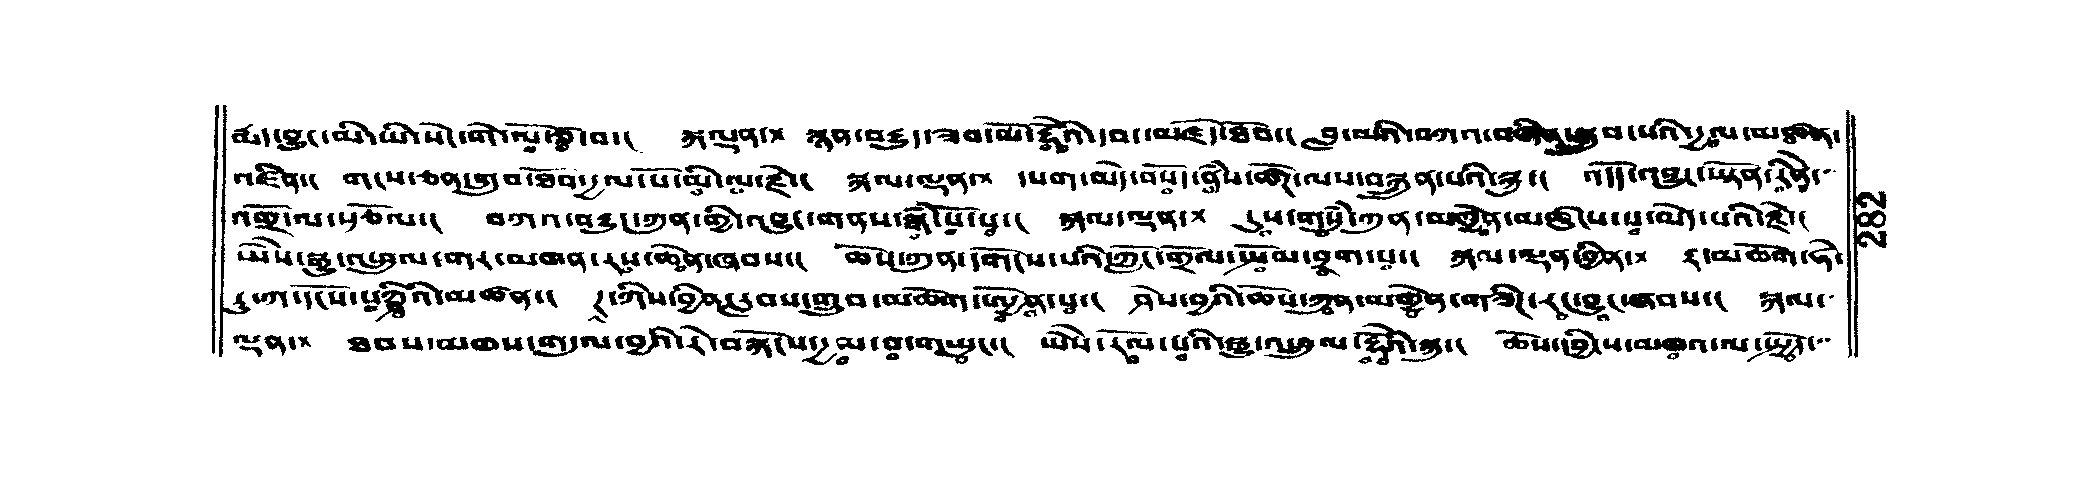།རྨད་བྱུང་མི་ཡི་སེང་གེ་ལོ་ཙ་བ། །སྐལ་ལྡན༴ །སྙན་བརྒྱུད་ཟབ་མོ་རྡོ་རྗེའི་དབང་མཛོད་ཐོབ། །བླ་མའི་བཀའ་བཞིན་སྒྲུབ་པའི་རྒྱལ་མཚན་
འཛིན། །གངས་ཅན་གྲུབ་ཐོབ་རྒྱལ་པོ་མི་ལ་རྗེ། །སྐལ་ལྡན༴ །དཔག་མེད་བསོད་ནམས་ཚོགས་ལས་བསྐྲུན་པའི་སྐུ། །འདོད་འབྱུང་ཡོན་ཏན་རིན་ཆེན་
འགྲོ་ལ་སྩོལ། །བཀའ་བརྒྱུད་ཀུན་གྱི་འབྱུང་གནས་སྒམ་པོ་པ། །སྐལ་ལྡན༴ །དུས་གསུམ་ཀུན་མཁྱེན་མཚུངས་པ་མེད་པའི་རྗེ། །
ཡེ་ཤེས་སྒྱུ་འཕྲུལ་གར་མཁན་རས་ཆེན་ཞབས། །ཆོས་ཀུན་དགོངས་པའི་ཀློང་གྲོལ་སྤོམ་བྲག་པ། །སྐལ་ལྡན་བྱིན༴།རྟ་མཆོག་ཧེ་
རུ་ཀ་དངོས་པཀྴིའི་མཚན། །ཌཱཀྐིས་བྱིན་རླབས་གྲུབ་མཆོག་ཨོ་རྒྱན་པ། །ཤེས་བྱའི་ཆོས་ཀུན་མཁྱེན་གཟིགས་རང་བྱུང་ཞབས། །སྐལ་
ལྡན༴ །ཐབས་མཁས་གདུལ་བྱའི་རེ་བསྐོང་རྒྱལ་བ་གཡུང་། །ཡེ་ཤེས་རོལ་པའི་སྒྱུ་འཕྲུལ་རྡོ་རྗེའི་སྐུ། །ཆོས་དབྱིངས་མཁའ་ལ་སྤྱོད་